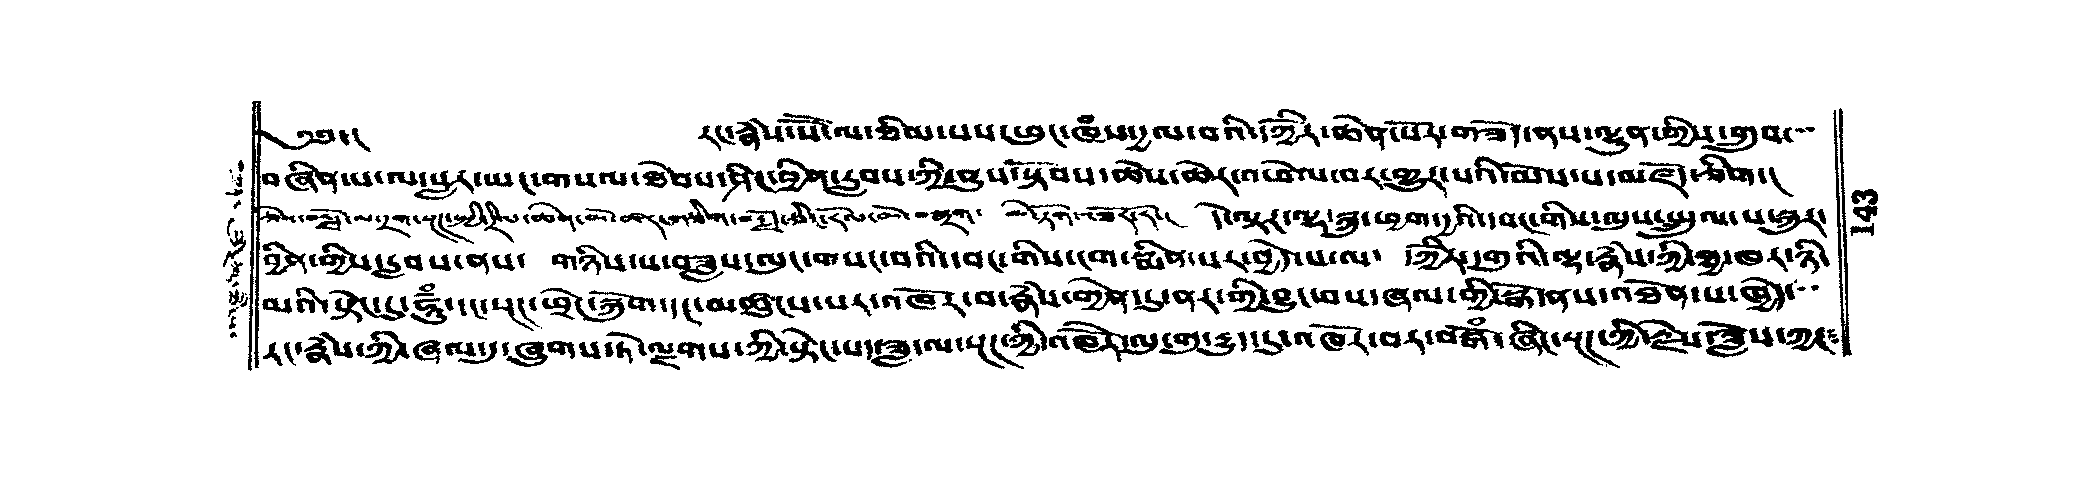རང་རྣམས་སོ་སོ་ལ་ཐིམ་པས་ཕུང་ཁམས་རྒྱལ་བའི་དཀྱིལ་འཁོར་ཆེན་པོར་གཟོད་ནས་ལྷུན་གིས་གྲུབ་
བཞིན་པ་ལ་སླར་ཡང་གསལ་ཐེབས་ཤིང་བྱིན་རླབས་ཀྱི་ནུས་སྟོབས་ཆོས་ཆེར་འཕེལ་བར་འགྱུར་པའི་མོས་པ་མཛོད་ཅིག 
ཅེས་བརྗོད་ལ་དྲག་སྔགས་སྤྱི་དྲིལ་ཆེན་མོ་ཚར་གཅིག་བརྗོད་ཅིང་རོལ་མོ་བསྒྲག མེ་ཏོག་འཐོར་རོ། དེ་ལྟར་ལྷ་སྐུ་ཕྱག་རྒྱའི་དབང་གི་ལུས་སྤྲུལ་པ་སྐུར་
བྱིན་གྱིས་རླབས་ནས། གཉིས་པ་བཟླས་ལུང་གསང་བའི་དབང་གིས་ངག་སྨིན་པར་བྱེད་པ་ལ། དཀྱིལ་འཁོར་དགུའི་ལྷ་རྣམས་ཀྱི་ཐུགས་ཁར་ཉི་
མའི་སྟེང་དུ་ཧཱུྃ་དང་སྔགས་ཕྲེང་སྐུ་མདོག་དང་མཚུངས་པར་འཁོར་བ་རྣམས་གྱེན་དུ་ནར་གྱི་བྱུང་བས་ཞལ་གྱི་སྒོ་ནས་འཐོན་པ་ཁྱེད་
རང་རྣམས་ཀྱི་ཞལ་དུ་ཞུགས་ཏེ་ལྗགས་ཀྱི་སྟེང་པད་ཟླ་ལ་སྔགས་ཀྱི་འཁོར་ལོ་ལུ་གུ་རྒྱུད་དུ་འཁོར་བར་བསྒོམ་ཞིང་སྔགས་ཀྱི་རྗེས་ཟློས་ཀྱང་